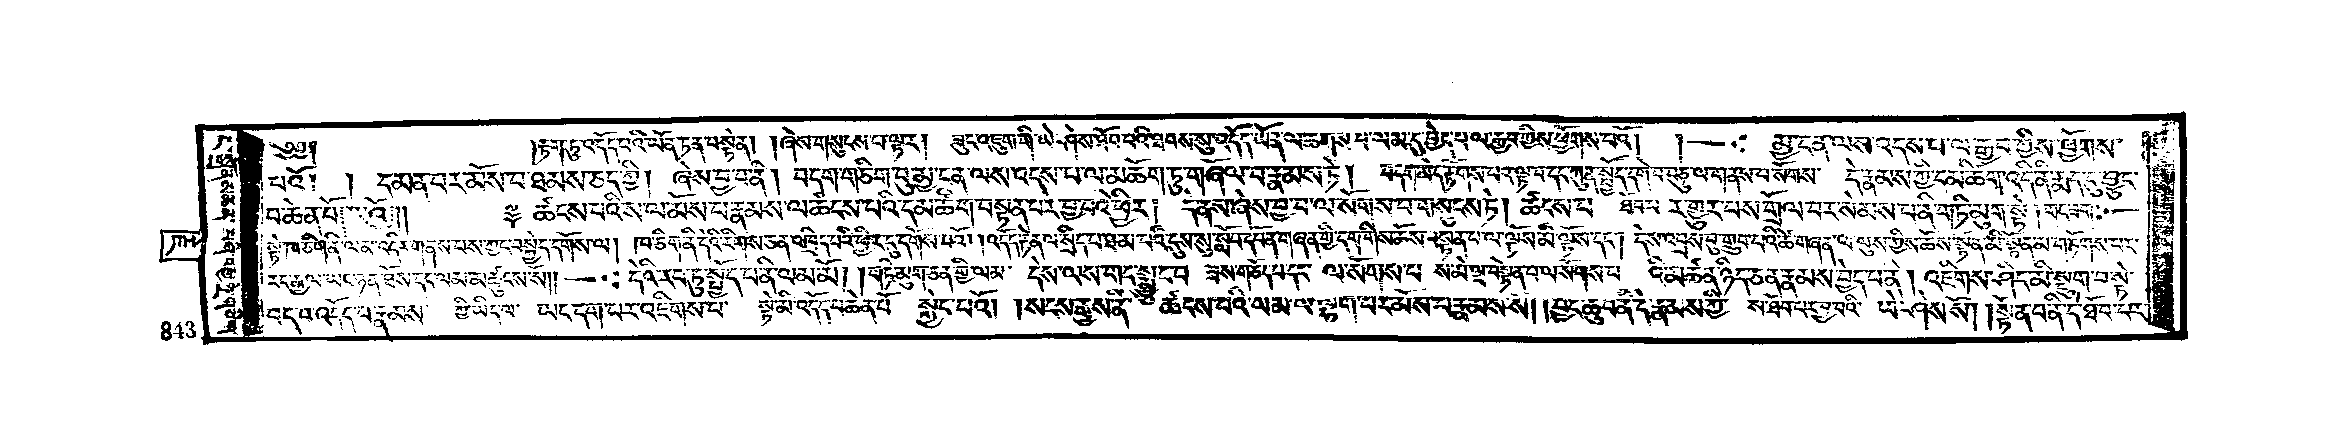༄༅། ། རྟག་ཏུ་འདོད་པའི་ཡོན་ཏན་བསྟེན། །ཞེས་གསུངས་པ་ལྟར། ཟུང་འཇུག་གི་ཡེ་ཤེས་ཐོབ་པའི་ཐབས་སུ་འདོད་ཡོན་ལ་ཆགས་པ་ལམ་དུ་བྱེད་པ་ལ་རྒྱབ་ཀྱིས་ཕྱོགས་པའོ། ། .H མྱ་ངན་ལས་འདས་པ་ལ་རྒྱབ་ཀྱིས་ཕྱོགས་
པའོ། །དམན་པར་མོས་པ་ཐམས་ཅད་ཀྱི། ཞེས་བྱ་བ་ནི། བདག་གཅིག་བུ་མྱ་ངན་ལས་འདས་པ་ལ་མཆོག་ཏུ་གཞོལ་བ་རྣམས་ཏེ། བདག་མེད་རྟོགས་པའི་ལྟ་བ་དང་ཀུན་སྤྱོད་དགེ་བ་བཅུ་ལ་གནས་པ་སོགས་དེ་རྣམས་ཀྱི་དམ་ཚིག་འདི་ནི་རྨད་དུ་བྱུང་
བ་ཆེན་པོའོ།། ༈ ཚངས་པའི་ས་ལ་མོས་པ་རྣམས་ལ་ཚངས་པའི་དམ་ཚིག་བསྟན་པར་བྱ་བའི་ཕྱིར། དེ་ནས་ཞེས་བྱ་བ་ལ་སོགས་པ་གསུངས་ཏེ། ཚངས་པ་ཐོབ་པར་གྱུར་པས་གྲོལ་བར་སེམས་པ་ནི་གཏི་མུག་སྟེ། གང་ཟགཿ
སྟེ་ཁ་ཅིག་ནི་ལམ་འདིར་གནས་པས་ཀྱང་བསྐྱེད་དགོས་ལ། ཁ་ཅིག་ནི་དེའི་རིགས་ཅན་འཁྲིད་པའི་ཕྱིར་དུ་དགོས་པའོ། །འདོད་རྟེན་ལ་སྲིད་པ་ཐ་མ་པའི་དུས་སུ་སློབ་དཔོན་གཞན་གྱི་དག་གིས་ཆོས་བསྟན་པ་ལ་ལྟོས་མི་ལྟོས་དང་། དེས་འབྲས་བུ་གྲུབ་པའི་ཚེ་གཞན་ལ་ལུས་ཀྱིས་ཆོས་སྟོན་མི་སྟོན་མ་གཏོགས་པར་
རང་རྒྱལ་ཡང་ཉན་ཐོས་དང་ལམ་མཚུངས་སོ།། .H དེའི་རབ་ཏུ་སྤྱོད་པ་ནི་ལམ་མོ། ། གཏི་མུག་ཅན་གྱི་ལམ་དེས་ལས་གང་མྱུང་བ་ཟས་གཅོད་པ་དང་ལ་སོགས་པས་མེ་ལྔ་བསྟེན་པ་ལ་སོགས་པའི་མཚན་ཉིད་ཅན་རྣམས་བྱེད་པ་ནི། འཇིགས་ཤིང་མི་སྡུག་བ་སྟེ་
བདེ་བ་འདོད་པ་རྣམས་ཀྱི་ཡིད་ལ་ཡང་དག་པར་འཇིགས་པ་སྟེ་མི་འདོད་པ་ཆེན་པོ་སྐྱེད་པའོ། །སངས་རྒྱས་ནི་ཚངས་པའི་ལམ་ལ་ལྷག་པར་མོས་པ་རྣམས་སོ། །བྱང་ཆུབ་ནི་དེ་རྣམས་ཀྱི་ས་ཐོབ་པར་བྱ་བའི་ཡེ་ཤེས་སོ། །སྟོན་པ་ནི་དེ་ཐོབ་པར་